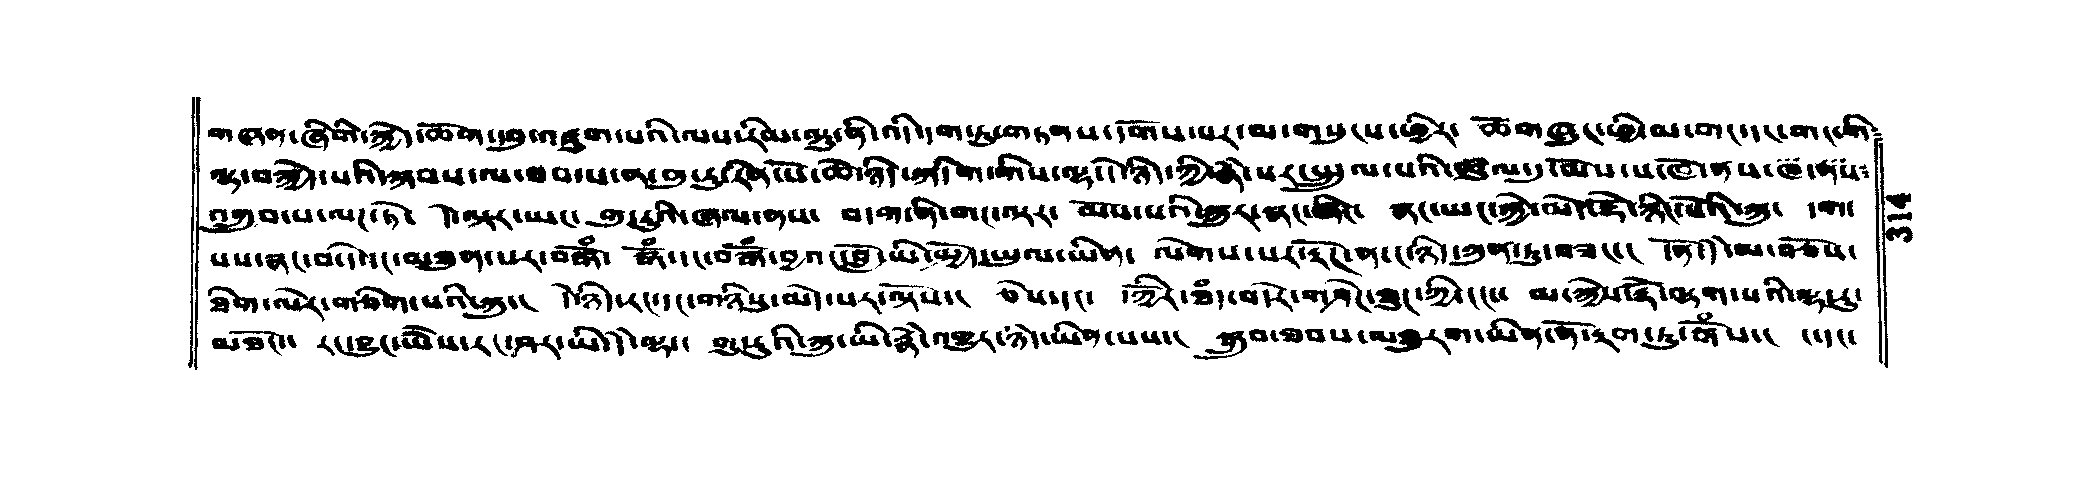གཞན་ཞིག་གི་བསྐྱེད་ཆོག་དབུ་འཇུག་པའི་ལས་རིམ་ལྟ་བུ་ནི་འདི་དག་ཏུ་གཏན་ནས་དགོས་པར་མ་གསུངས་ཕྱིར། ཆོག་གཞུང་ཕྱི་མ་གང་དང་གང་གི་
ལྷ་བསྐྱེད་པའི་སྐབས་ལ་བབ་པ་ན་གུ་རུ་རིན་པོ་ཆེ་ཉིད་སྐད་ཅིག་གིས་ལྷ་དེ་ཉིད་ཀྱི་རྣམ་པར་སྤྲུལ་པའི་ཚུལ་དུ་མོས་པ་ཁོ་ནས་
འགྲུབ་པ་ལགས་ཏེ། དེ་ལྟར་ཡང་གུ་རུའི་ཞལ་ནས། བདག་ནི་གང་ལྟར་མོས་པའི་སྐུར་སྣང་ཞིང། །སྣང་ཡང་སྐྱེ་མེད་རྡོ་རྗེ་སྙིང་པོའི་སྐུ། །དག་
པས་སྣང་བ་དེ་དང་མཐུན་པར་བསྒོམ། །སྒོན་དང་བསྒོམ་བྱའང་བློ་ཡི་སྤྱོད་ཡུལ་ཡིན། །ལེགས་པར་རྟོགས་ན་ང་ཉིད་ཀུན་ཏུ་བཟང་། །དོན་དམ་མ་བཅོས་
ཐིག་ལེར་གཅིག་པའི་སྐུ། །དེ་ཉིད་རང་དང་གཉིས་སུ་མེད་པར་ལྟོས། །ཅེས་དང་། དཀྱིལ་འཁོར་ཐམས་ཅད་བདེ་བཤེགས་ཐུགས་ཀྱི་ངང་། །མ་སྐྱེས་རྡོ་རྗེ་ལྷག་པའི་ལྷ་རུ་
མཐོང་། །རང་བྱུང་ཡེ་ཤེས་རང་ཤར་ཡི་དམ་ལྷ། །གུ་རུའི་སྐུ་ཡི་རྣམ་འགྱུར་ཉིད་ཡིན་པས། །སྒྲུབ་ཐབས་མཐར་ཐུག་ཡིན་ནོ་རྟག་ཏུ་བསྒོམ། །ང་དང་